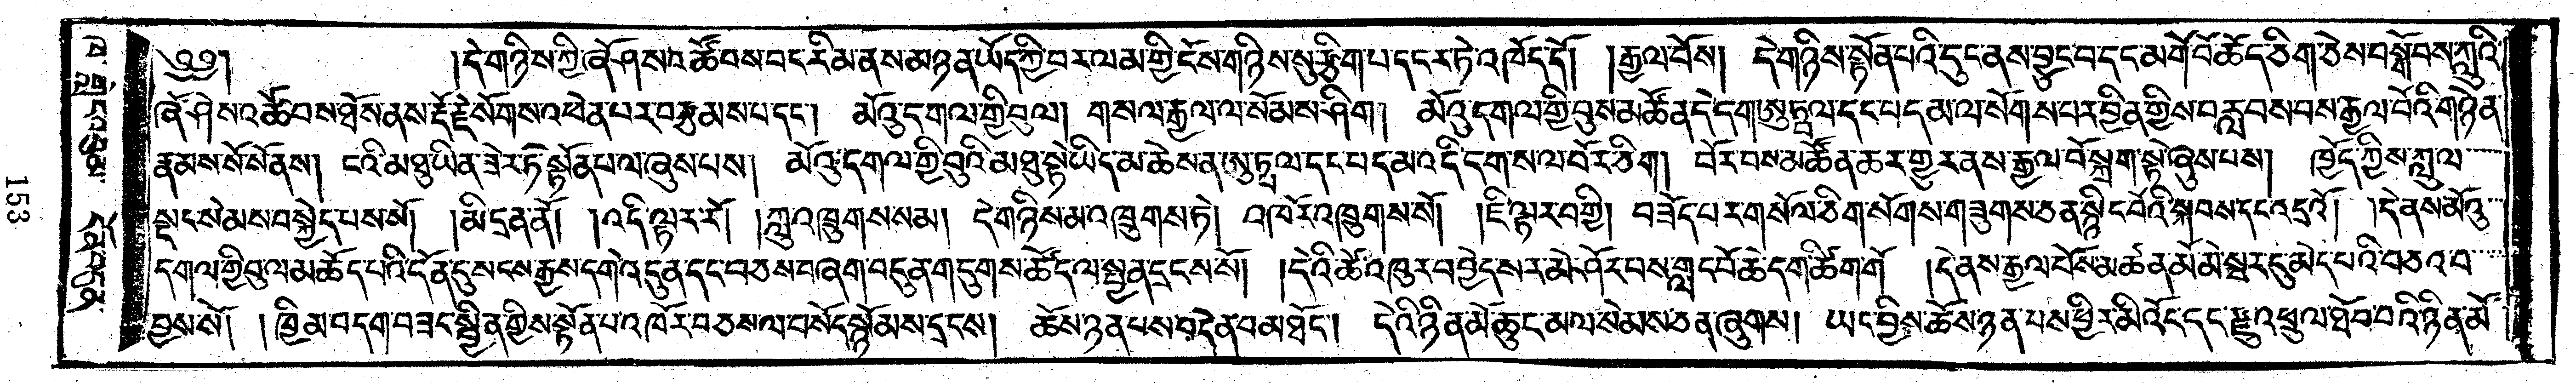༄༅། །དེ་གཉིས་ཀྱི་ཞོ་ཤས་འཚོབས་བང་རིམ་ནས་མཉན་ཡོད་ཀྱི་བར་ལམ་གྱི་ངོས་གཉིས་སུ་རྩིག་པ་དངར་ཏེ་འཁོད་དོ། །རྒྱལ་བོས། དེ་གཉིས་སྟོན་པའི་དུང་ནས་བྱུང་བ་དང་མགོ་བོ་ཆོད་ཅིག་ཅེས་བསྒོབས་ཀླུའི་
ཞོ་ཤེས་འཚོ་བས་ཐོས་ནས་རྡོ་རྗེ་སོགས་འཕེན་པར་བརྩམས་པ་དང་། མོའུ་དགལ་གྱི་བུལ། གསལ་རྒྱལ་ལ་སོམས་ཤིག། མོའུ་དགལ་གྱི་བུས་མཚོན་དེ་དག་ཨུཏྤལ་དང་བ་དམ་ལ་སོགས་པར་བྱིན་གྱིས་བརླབས་པས་རྒྱལ་བོའི་གཉེན་
རྣམས་སོ་སོ་ནས། ངའི་མཐུ་ཡིན་ཟེར་ཏེ་སྟོན་པ་ལ་ཞུས་པས། མོའུ་དགལ་གྱི་བུའི་མཐུ་སྟེ་ཡིད་མ་ཆེས་ན་ཨུཏྤལ་དང་པད་མ་འདི་དག་སལ་བོར་ཅིག། བོར་བས་མཚོན་ཆར་གྱུར་ནས་རྒྱལ་བོ་སྐྲག་སྟེ་ཞུས་པས། ཁྱོད་ཀྱིས་ཀླུ་ལ་
སྡང་སེམས་བསྐྱེད་པས་སོ། །མི་དྲན་ནོ། །འདི་ལྟར་རོ། །ཀླུ་འཁྲུགས་སམ། དེ་གཉིས་མ་འཁྲུགས་ཏེ། འཁོར་འཁྲུགས་སོ། །ཇི་ལྟར་བགྱི། བཟོད་པར་གསོལ་ཅིག་སོགས་གཟུགས་ཅན་སྙིང་པོའི་སྐབས་དང་འདྲའོ། །དེ་ནས་མོའུ་
དགལ་གྱི་བུ་ལ་མཆོད་པའི་དོན་དུ་སངས་རྒྱས་དགེ་འདུན་དང་བཅས་བཞག་བདུན་གདུགས་ཚོད་ལ་སྤྱན་དྲངས་སོ། །དེའི་ཚེ་འཁུར་བ་བྱེད་སར་མེ་ཤོར་བས་གླང་བོ་ཆེ་དག་ཚིག་གོ །དེ་ནས་རྒྱལ་པོས་མཚན་མོ་མེ་སྦར་དུ་མེད་པའི་བཅའ་བ་
བྱས་སོ། །ཁྱིམ་བདག་བཟང་སྦྱིན་གྱིས་སྟོན་པ་འཁོར་བཅས་ལ་བསོད་སྙོམས་དྲངས། ཆོས་ཉན་པས་བདེན་བ་མཐོང་། དེའི་ཉིན་མོ་ཆུང་མ་ལ་སེམས་ཅན་ཞུགས། ཡང་བྱིས་ཆོས་ཉན་པས་ཕྱིར་མིའོང་དང་རྫུ་འཕྲུལ་ཐོབ་བའི་ཉིན་མོ་